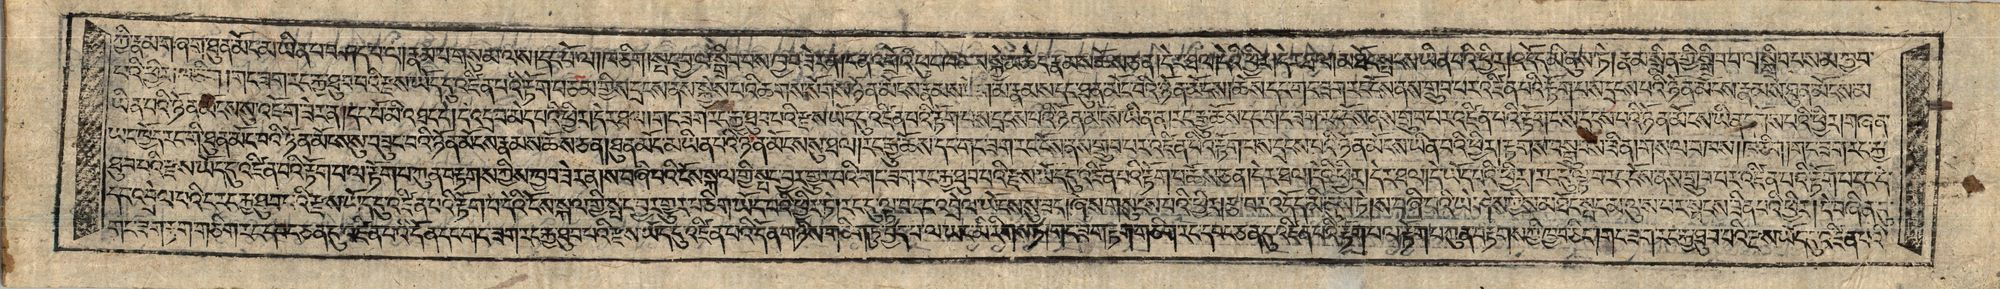ཀྱི་རྣམ་གཞག་ཐུན་མོང་མ་ཡིན་པ་བཤད་པ་ལ། རྣམ་པ་གསུམ་ལས། དང་པོ་ལ། ཁ་ཅིག །སྤང་བྱ་ལ་སྒྲིབ་པས་ཁྱབ་ཟེར་ན། ངན་འགྲོའི་ཕུང་ཁམས་སྐྱེ་མཆེད་རྣམས་ཆོས་ཅན། དེར་ཐལ། དེའི་ཕྱིར། དེར་ཐལ། མཐོང་སྤངས་ཡིན་པའི་ཕྱིར། འདོད་མི་ནུས་ཏེ། རྣམ་སྨིན་གྱི་སྒྲིབ་པ་ལ་སྒྲིབ་པས་མ་ཁྱབ་
པའི་ཕྱིར། ཁ་ཅིག །གང་ཟག་རང་རྐྱ་ཐུབ་པའི་རྫས་ཡོད་དུ་འཛིན་པའི་རྟོག་པ་ཙམ་གྱིས་དྲངས་ནས་སྐྱེས་པའི་ཆགས་སོགས་ཉོན་མོངས་རྣམས་འོག་མ་རྣམས་དང་ཐུན་མོང་བའི་ཉོན་མོངས། ཆོས་དང་གང་ཟག་རང་ངོས་ནས་གྲུབ་པར་འཛིན་པའི་རྟོག་པས་དྲངས་པའི་ཉོན་མོངས་རྣམས་ཐུན་མོངས་མ་
ཡིན་པའི་ཉོན་མོངས་སུ་འཇོག་ཟེར་ན། དང་པོ་མི་འཐད་དེ། དེ་འདྲ་བ་མེད་པའི་ཕྱིར། དེར་ཐལ། གང་ཟག་རང་རྐྱ་ཐུབ་པའི་རྫས་ཡོད་དུ་འཛིན་པའི་རྟོག་པས་དྲངས་པའི་ཉོན་མོངས་ཡིན་ན། རང་རྒྱུ་ཆོས་དང་གང་ཟག་རང་ངོས་ནས་གྲུབ་པར་འཛིན་པའི་རྟོག་པས་དྲངས་པའི་ཉོན་མོངས་ཡིན་དགོས་པའི་ཕྱིར། གཞན་
ཡང་ཁྱོད་རང་གི་ཐུན་མོང་བའི་ཉོན་མོངས་སུ་བཟུང་བའི་ཉོན་མོངས་རྣམས་ཆོས་ཅན། ཐུན་མོང་མ་ཡིན་པའི་ཉོན་མོངས་སུ་ཐལ། རང་རྒྱུ་ཆོས་དང་གང་ཟག་རང་ངོས་ནས་གྲུབ་པར་འཛིན་པའི་རྟོག་པས་དྲངས་པའི་ཉོན་མོངས་ཡིན་པའི་ཕྱིར། རྟགས་བསྒྲུབས་ཟིན། གསལ་བ་ཁས། ཁ་ཅིག །གང་ཟག་རང་རྐྱ་
ཐུབ་པའི་རྫས་ཡོད་དུ་འཛིན་པའི་རྟོག་པ་ལ་རྟོག་པ་ཀུན་བརྟགས་ཀྱིས་ཁྱབ་ཟེར་ན། ས་བཞི་པའི་ངོས་སྐལ་གྱི་སྤང་བྱར་གྱུར་པའི་གང་ཟག་རང་རྐྱ་ཐུབ་པའི་རྫས་ཡོད་དུ་འཛིན་པའི་རྟོག་པ་ཆོས་ཅན། དེར་ཐལ། དེའི་ཕྱིར། དེར་ཐལ། དེ་ཡོད་པའི་ཕྱིར། རང་དུ་ལྟ་བ་རང་ངོས་ནས་གྲུབ་པར་འཛིན་པའི་རྟོག་པ་དང་དེ་
དང་འབྲེལ་བའི་ང་རང་རྐྱ་ཐུབ་པའི་རྫས་ཡོད་དུ་འཛིན་པའི་རྟོག་པ་དེའི་ངོས་སྐལ་གྱི་སྤང་བྱར་གྱུར་བ་ཅིག་ཡོད་པའི་ཕྱིར་ཏེ། རང་དུ་ལྟ་བ་དང་འབྲེལ་ཡོངས་སུ་ཟད། ཞེས་གསུངས་པའི་ཕྱིར། རྩ་བར་འདོད་མི་ནུས་ཏེ། ས་བཞི་པའི་ཡེ་ཤེས་ཀྱིས་མཐོང་སྤང་མ་ལུས་པར་སྤངས་ཟིན་པའི་ཕྱིར། དེ་གཞིནྡུ་
གང་ཟག་རྟག་གཅིག་རང་དབང་ཅན་དུ་འཛིན་པའི་དོན་དང་གང་ཟག་རང་རྐྱ་ཐུབ་པའི་རྫས་ཡོད་དུ་འཛིན་པའི་དོན་གཉིས་གཅིག་ཏུ་བྱེད་པ་ལ་ཡང་མི་རིགས་ཏེ། གང་ཟག་རྟག་གཅིག་རང་དབང་ཅན་དུ་འཛིན་པའི་རྟོག་པ་ལ་རྟོག་པ་ཀུན་བརྟགས་ཀྱི་ཁྱབ་ཅིང་། གང་ཟག་རང་རྐྱ་ཐུབ་པའི་རྫས་ཡོད་དུ་འཛིན་པའི་